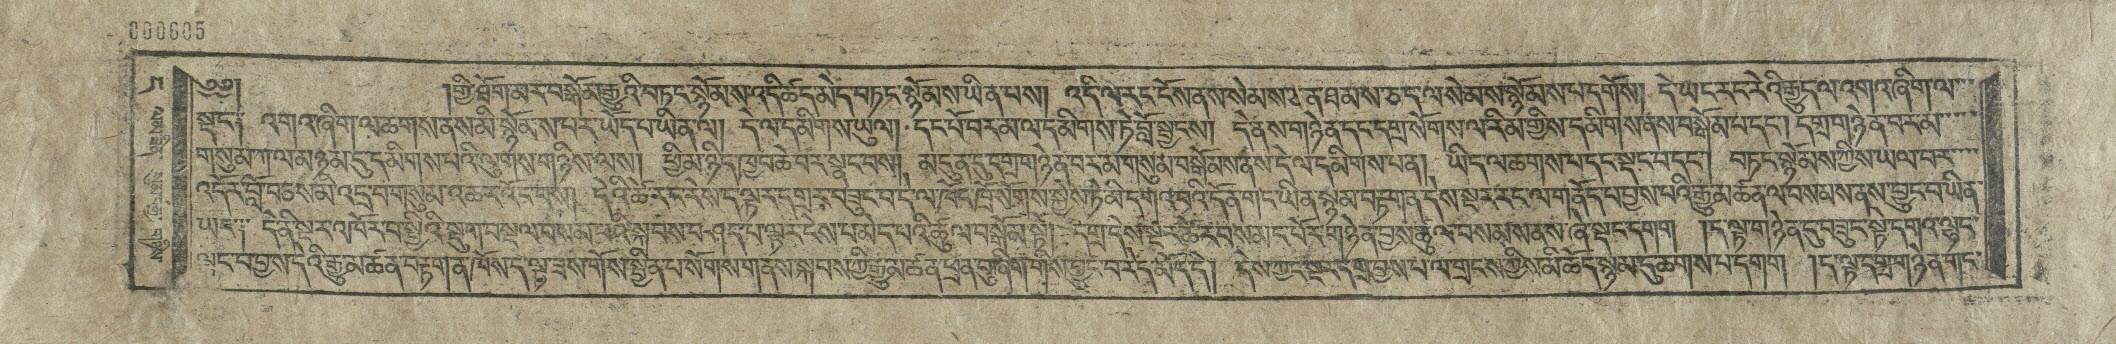༄༅། །གྱི་ཐོག་མར་བསྒོམ་རྒྱུའི་བཏང་སྙོམས་འདི་ཚད་མེད་བཏང་སྙོམས་ཡིན་པས། འདི་ལ་རང་ངོས་ནས་སེམས་ཅན་ཐམས་ཅད་ལ་སེམས་སྙོམས་པ་དགོས། དེ་ཡང་རང་རེའི་རྒྱུད་ལ་འགའ་ཞིག་ལ་
སྡང༑ འགའ་ཞིག་ལ་ཆགས་ནས་མི་སྙོམས་པར་ཡོད་པ་ཡིན་ལ། དེ་ལ་དམིགས་ཡུལ། དང་པོ་བར་མ་ལ་དམིགས་ཏེ་བློ་སྦྱངས། དེ་ནས་གཉེན་དང་དགྲ་སོགས་ལ་རིམ་གྱིས་དམིགས་ནས་བསྒོམ་པ་དང་། དགྲ་གཉེན་བར་མ་
གསུམ་ཀ་ལ་མཉམ་དུ་དམིགས་པའི་ལུགས་གཉིས་ལས། ཕྱི་མ་ཉིད་ཁྱབ་ཆེ་བར་སྣང་བས། མདུན་དུ་དགྲ་གཉེན་བར་མ་གསུམ་བསྒོམས་ནས་དེ་ལ་དམིགས་པ་ན། ཡིད་ལ་ཆགས་པ་དང་སྡང་བ་དང་། བཏང་སྙོམས་ཀྱིས་ཡལ་བར་
འདོར་བློ་བཅས་མི་འདྲ་བ་གསུམ་འཆར་འོང་བས། དེའི་ཚེ་རང་རེས་ད་ལྟར་དགྲར་བཟུང་བ་དེ་ལ་ཁོང་ཁྲོ་སོགས་སྐྱེས་ཏེ་མི་དགའ་བའི་དོན་གང་ཡིན་སྙམ་བརྟག་ན་དེས་སྔར་རང་ལ་གནོད་པ་བྱས་པའི་རྒྱུ་མཚན་ལ་བསམས་ནས་བྱུང་བ་ཡིན་
ཡང༑ དེ་ནི་སྔར་འཁོར་བ་སྤྱིའི་སྡུག་བསྔལ་བསམ་པའི་སྐབས་བཤད་པ་ལྟར་ངེས་པ་མེད་པའི་ཚུལ་བསྒོམ་སྟེ། དགྲ་དེས་སྔར་ཚེ་རབས་མང་པོར་གཉེན་བྱས་ཚུལ་བསམས་ནས་ཞེ་སྡང་དགག །ད་ལྟ་གཉེན་དུ་བཟུང་སྟེ་དགའ་ལྷང་
ལྷང་བ་བྱ་ས་?་དེའི་རྒྱུ་མཚན་བརྟག་ན་ཁོས་ད་ལྟ་ཟས་གོས་སྦྱིན་པ་སོགས་གནས་སྐབས་ཀྱི་རྒྱུ་མཚན་ཕྲན་བུ་ཞིག་གིས་བྱུང་བ་རེད་མོད་དེ། དེས་ཀྱང་སྔར་དགྲ་བྱས་པ་ལ་གྲངས་ཀྱིས་མི་ཆོད་སྙམ་དུ་ཆགས་པ་དགག །ད་ལྟ་དགྲ་གཉེན་གང་